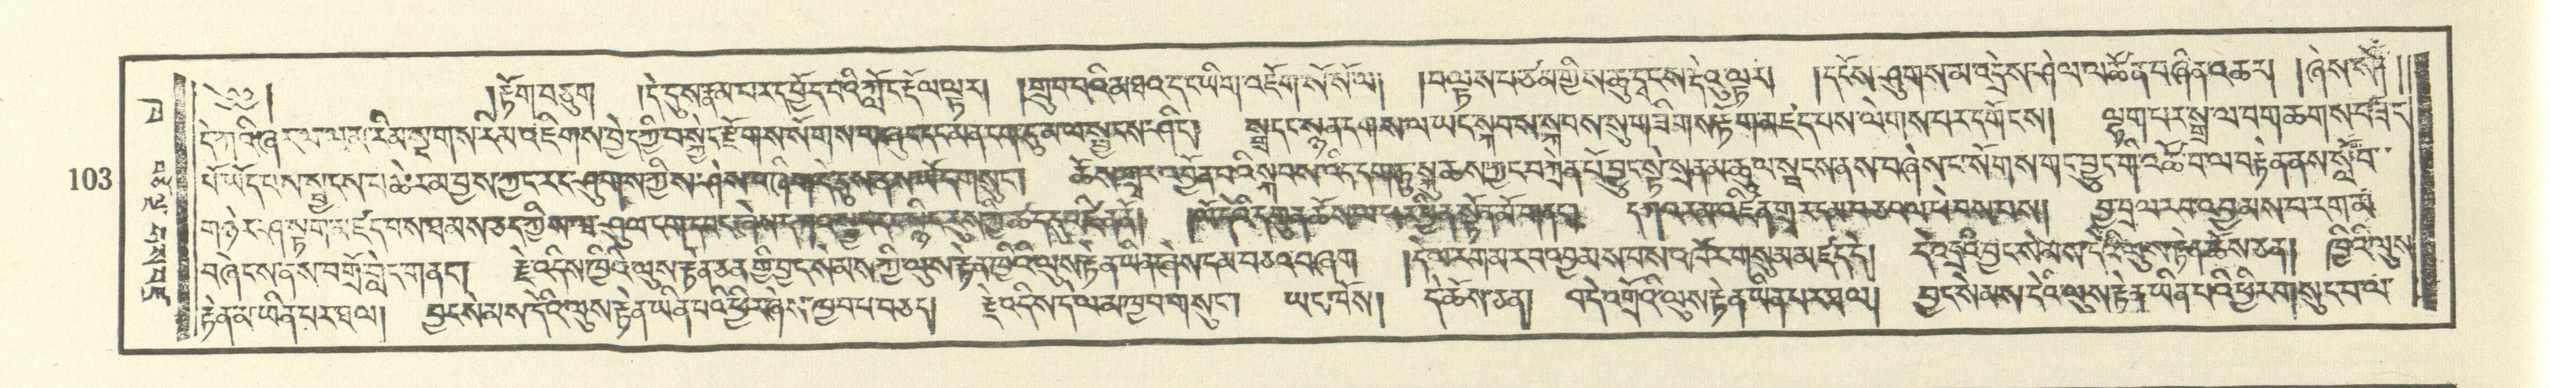༄༅། །རྟོག་བཅུག །དེ་དུས་རྣམ་པར་དཔྱོད་པའི་ཀློང་རྡོལ་ལྟར། །གྲུབ་པའི་མཐའ་དང་ཡིག་འཇོག་སོ་སོ་ལ། །བལྟས་པ་ཙམ་གྱིས་ཆུ་དྭངས་རྡེའུ་ལྟར། །དངོས་ཤུགས་མ་འདྲེས་ཤེལ་ལ་ཚོན་བཞིན་འཆར། །ཞེས་སོ། །
དེ་ཀའི་ཞར་ལ་ལམ་རིམ་སྔགས་རིམ་འཇིགས་བྱེད་ཀྱི་བསྐྱེད་རྫོགས་སོགས་གཞུང་དང་མན་ངག་དུ་མ་ལ་སྦྱངས་ཤིང་། སྒྲ་དང་སྙན་དགས་ལ་ཡང་སྐབས་སྐབས་སུ་གཟིགས་རྟོག་མཛད་པས་ལེགས་པར་དགོངས། ལྷག་པར་སྒྲ་ལ་བག་ཆགས་བཟང་
པོ་ཡོད་པས་སྦྱངས་པ་ཆེར་མ་བྱས་ཀྱང་རང་ཤུགས་ཀྱིས་ཤེས་པ་ཞིག་དེ་དུས་ནས་ཡོད་གསུང་། ཆོས་གྲྭར་འབྱོན་པའི་སྐབས་འདི་དག་ཏུ་སྐུ་ཆས་ཀྱང་བཀྲེན་པོ་བྱུང་སྟེ་སྲན་མ་ཆུ་ལ་སྤངས་ནས་བཞེས་པ་སོགས་གང་བྱུང་གི་འཚོ་བ་ལ་བརྟེན་ནས་སློབ་
གཉེར་ཤ་སྟག་མཛད་པས་ཐམས་ཅད་ཀྱི་ཝ་ཤུལ་ངག་དབང་ཞེས་དཀའ་སྤྱང་དང་སྙིང་རུས་ཀྱི་ཚད་དུ་འཛིན་ནོ། །ལོ་དེའི་དགུན་ཆོས་ལ་ཕར་ཕྱིན་སྟོན་མོ་གནང་། དཀའ་རམ་འཛིན་གྲྭར་དམ་བཅའ་ལ་ཕེབས་པས། བྱ་བྲལ་རབ་འབྱམས་པ་རག་མ་
བཞེངས་ནས་བགྲོ་གླེང་གནང་། རྗེ་འདིས་ཁྱིའི་ལུས་རྟེན་ཅན་གྱི་བྱང་སེམས་ཀྱི་ལུས་རྟེན་ཁྱིའི་ལུས་རྟེན་ཡིན་ཞེས་དམ་བཅའ་བཞག །དེ་ལ་རག་མ་རབ་འབྱམས་པས་འཁོར་གསུམ་མཛད་དེ། དེ་འདྲའི་བྱང་སེམས་དེའི་ལུས་རྟེན་ཆོས་ཅན། ཁྱིའི་ལུས་
རྟེན་མ་ཡིན་པར་ཐལ། བྱང་སེམས་དེའི་ལུས་རྟེན་ཡིན་པའི་ཕྱིར་ཞེས་ཁྱབ་པ་བཅད། རྗེ་འདིས་དེ་ལམ་ཁྱབ་གསུང་། ཡང་ཁོས། དེ་ཆོས་ཅན། འདེ་འགྲོའི་ལུས་རྟེན་ཡིན་པར་ཐལ། བྱང་སེམས་དེའི་ལུས་རྟེན་ཡིན་པའི་ཕྱིར་གསུང་པ་ལ་